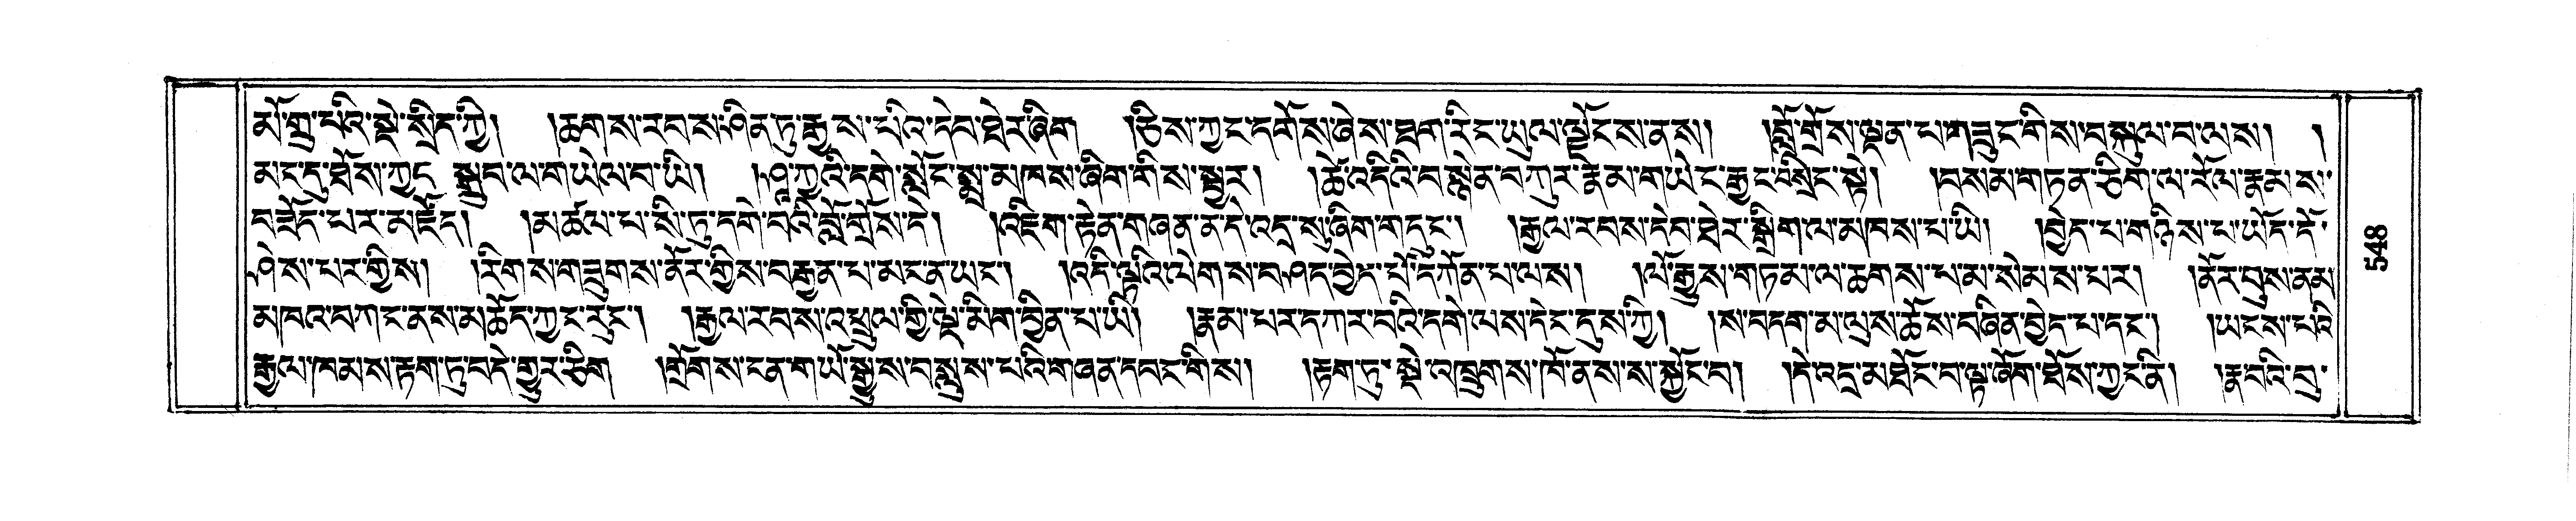མོ་གྲུ་པའི་སྡེ་སྲིད་ཀྱི། །ཆགས་རབས་ཤིན་ཏུ་རྒྱས་པའི་དེབ་ཐེར་ཞིག །ཅིས་ཀྱང་དགོས་ཞེས་ཐག་རིང་ཡུལ་ལྗོངས་ནས། །བློ་གྲོས་ལྡན་པ་གཟུང་གིས་བསྐུལ་བ་ལས། །
མང་དུ་ཐོས་ཀྱང་སྒྲུབ་ལ་གཡེལ་བ་ཡི། །ཤཱ་ཀྱའི་དགེ་སློང་སྨྲ་མཁས་ཞིག་གིས་སྦྱར། །ཚེ་འདིའི་བསྙེན་བཀུར་རྣམ་གཡེང་རྒྱང་བསྲིང་སྟེ། །བསམ་གཏན་ཅིག་ལ་རོལ་རྣམས་
བཟོད་པར་མཛོད། །མཚལ་པ་སི་ཏུ་དགེ་བའི་བློ་གྲོས་ཏེ། །འཇིག་རྟེན་གཞན་ན་དེ་འདྲ་སུ་ཞིག་གདུང་། །རྒྱལ་རབས་དེབ་ཐེར་སྒྲིག་ལ་མཁས་པ་ཡི། །བྱེད་པ་གཉིས་པ་ཡོད་དོ་
ཤེས་པར་གྱིས། །རིགས་གཟུགས་ནོར་གྱིས་བརྒྱན་པ་མང་ན་ཡང་། །འདི་ལྟའི་ལེགས་བཤད་བྱེད་པོ་དཀོན་པ་ལས། །ལོ་རྒྱུས་གཏམ་ལ་ཆགས་པ་མ་སེམས་པར། །ནོར་བུས་ནམ་
མཁའ་བཀང་ནས་མཆོད་ཀྱང་རུང་། །རྒྱལ་རབས་འཕྲུལ་གྱི་ལྡེ་མིག་བྱིན་པ་ཡི། །རྣམ་པར་དཀར་བའི་དགེ་ལས་དེང་དུས་ཀྱི། །ས་བདག་མ་ལུས་ཆོས་བཞིན་བྱེད་པ་དང་། །ཡངས་པའི་
རྒྱལ་ཁམས་རྟག་ཏུ་བདེ་གྱུར་ཅིག །གྲོགས་ངན་གཡོ་སྒྱུས་བསླུས་པའི་གཞན་དབང་གིས། །རྟག་ཏུ་སྡེ་འཁྲུགས་ཁོ་ནས་ས་སྐྱོང་བ། །དེ་འདྲ་མཐོང་བ་ལྟ་ཞོག་ཐོས་ཀྱང་ནི། །རྣ་བའི་བུ་